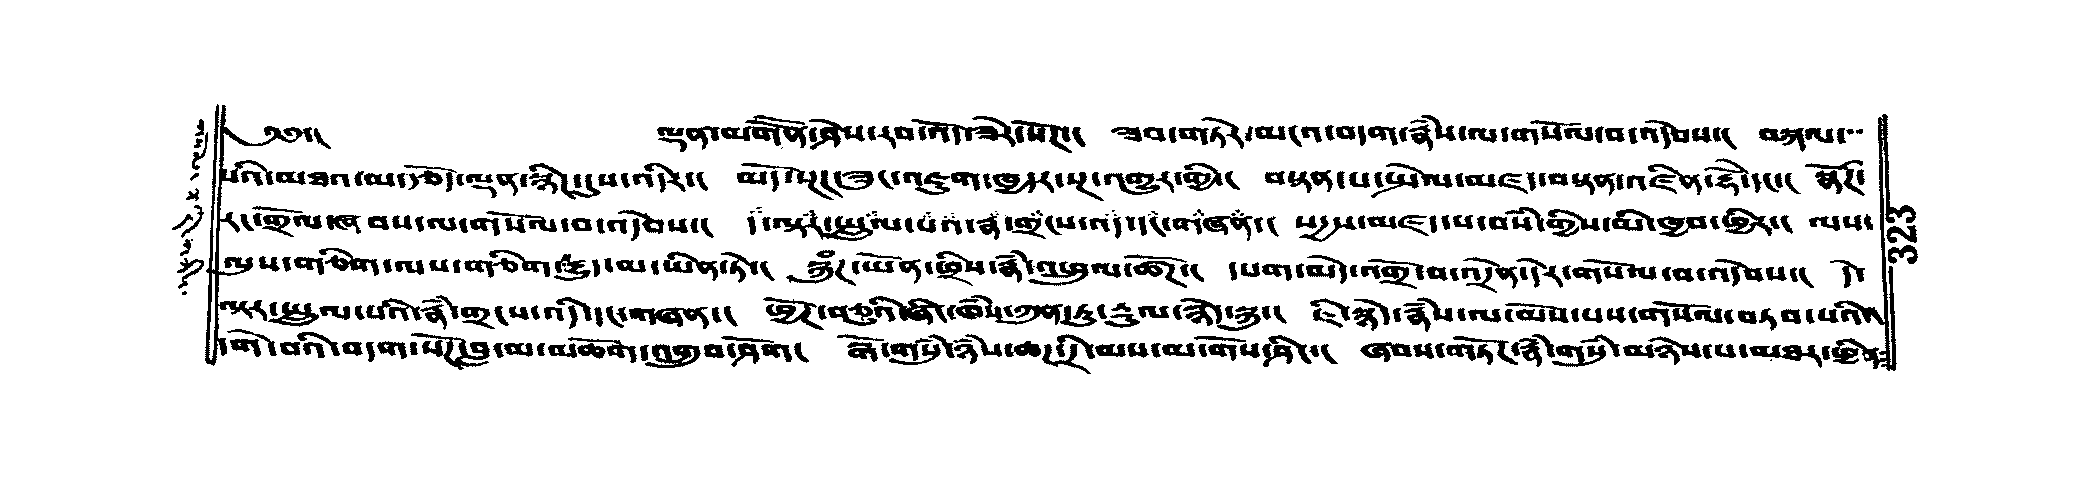ལྡན་མགོན་པོ་ཤེས་རབ་འོད་ཟེར་སོགས། །ཟབ་གཏེར་མངའ་བདག་རྣམས་ལ་གསོལ་བ་འདེབས། །བསྐལ་
པའི་མཐའ་མ་རྩོད་ལྡན་སྙིགས་དུས་འདིར། །མདོ་སྔགས་ཟུང་འཇུག་ཁྱད་པར་སྔ་འགྱུར་གྱི། །བསྟན་པ་སྤེལ་མཛད་བསྟན་འཛིན་རྡོ་རྗེ་དང་། །སྣ་ཚོགས་
རང་གྲོལ་ཞབས་ལ་གསོལ་བ་འདེབས། །ད་ལྟར་སྤྲུལ་པའི་རྣམ་གྲངས་འདི་དང་གཞན། །སངས་རྒྱས་མཛད་པ་བསམ་གྱིས་མི་ཁྱབ་ཕྱིར། །ལས་
ལུས་གཅིག་ལས་གཅིག་བརྒྱུད་མ་ཡིན་ཏེ། །སྐུ་གསུམ་ཡོན་ཕྲིན་ལས་རྣམ་འཕྲུལ་ཚོགས། །དཔག་མེད་འགྲོ་བ་འདྲེན་དེར་གསོལ་བ་འདེབས། །དེ་
ལྟར་སྤྲུལ་པའི་རྣམ་གྲངས་འདི་དང་གཞན། །ཕྱོགས་བཅུའི་ཞིང་ཁམས་ཀུན་ཏུ་རྡུལ་སྙེད་སྐུ། །ཇི་སྙེད་རྣམས་ལ་མོས་པས་གསོལ་བཏབ་པའི། །
དགེ་བས་བདག་སོགས་བླ་མ་མཆོག་འགྲུབ་ཤོག །སྒོ་གསུམ་ཉམས་ཆགས་དྲི་མས་མོ་ས་ཤིང་། །ཞབས་ཏོག་རྣམ་གསུམ་མཉེས་པ་མཐར་ཕྱིན་